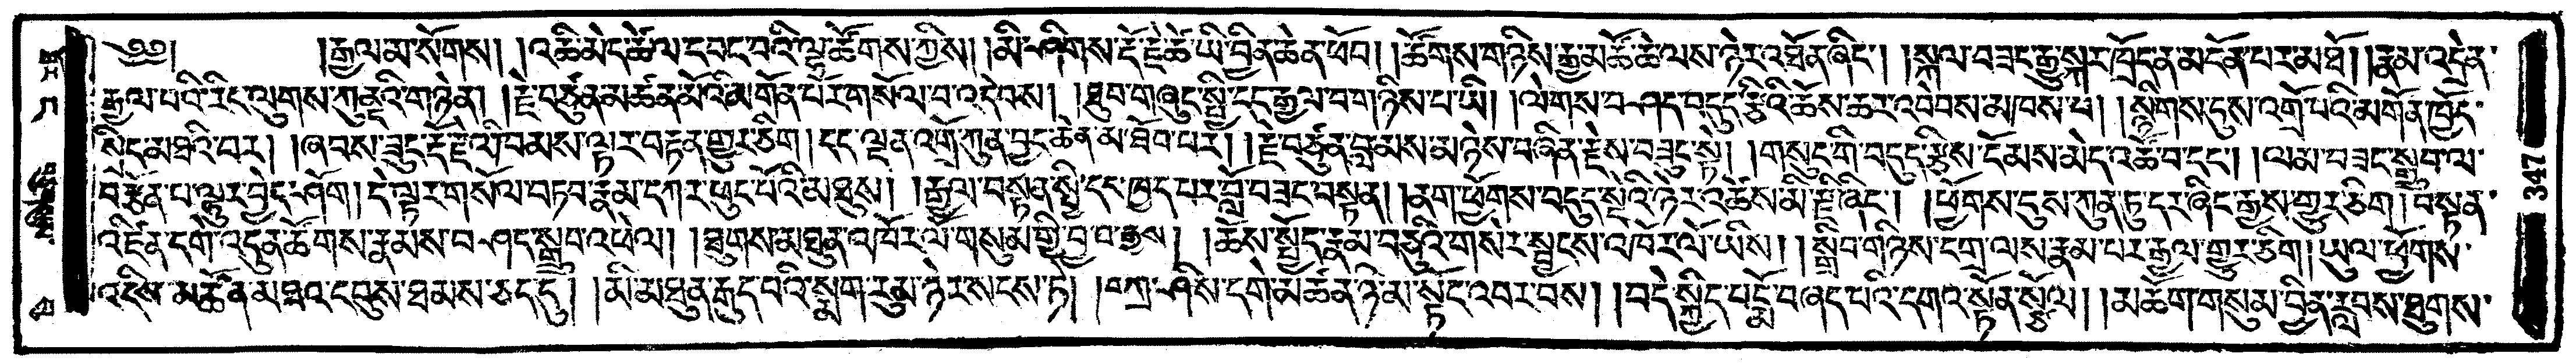༄༅། །རྒྱལ་མ་སོགས། །འཆི་མེད་ཚེ་ལ་དབང་བའི་ལྷ་ཚོགས་ཀྱིས། །མི་ཤིགས་རྡོ་རྗེ་ཚེ་ཡི་བྱིན་ཆེན་ཕོབ། །ཚོགས་གཉིས་རྒྱ་མཚོ་ཆེ་ལས་ཉེར་འཐོན་ཞིང་། །སྐལ་བཟང་རྒྱུ་སྐར་ཁྲོད་ན་མངོན་པར་མཐོ། །རྣམ་འདྲེན་
རྒྱལ་བའི་རིང་ལུགས་ཀུནྡའི་གཉེན། །རྗེ་བཙུན་མཚན་མོའི་མགོན་པོར་གསོལ་བ་འདེབས། །ཐུབ་གཞུང་སྤྱི་དང་རྒྱལ་བ་གཉིས་པ་ཡི། །ལེགས་བཤད་བདུད་རྩིའི་ཆོས་ཆར་འབེབས་མཁས་པ། །སྙིགས་དུས་འགྲོ་བའི་མགོན་ཁྱོད་
སྲིད་མཐའི་བར། །ཞབས་ཟུང་རྡོ་རྗེའི་ཁམས་ལྟར་བརྟན་གྱུར་ཅིག །དད་ལྡན་འགྲོ་ཀུན་བྱང་ཆེན་མ་ཐོབ་པར། །རྗེ་བཙུན་བླ་མས་མཉེས་བཞིན་རྗེས་བཟུང་སྟེ། །གསུང་གི་བདུད་རྩིས་ངོམས་མེད་འཚོ་བ་དང་། །ལམ་བཟང་སྒྲུབ་ལ་
བརྩོན་པ་ལྷུར་བྱེད་ཤོག །དེ་ལྟར་གསོལ་བཏབ་རྣམ་དཀར་ཕུང་པོའི་མཐུས། །རྒྱལ་བསྟན་སྤྱི་དང་ཁྱད་པར་བློ་བཟང་བསྟན། །ནག་ཕྱོགས་བདུད་སྡེའི་ཉེར་འཚེས་མི་རྫི་ཞིང་། །ཕྱོགས་དུས་ཀུན་ཏུ་དར་ཞིང་རྒྱས་གྱུར་ཅིག །བསྟན་
འཛིན་དགེ་འདུན་ཚོགས་རྣམས་བཤད་སྒྲུབ་འཕེལ། །ཐུགས་མཐུན་འཁོར་ལོ་གསུམ་གྱི་བྱ་བ་རྒྱས། །ཆོས་སྤྱོད་རྣམ་བཅུའི་གསེར་སྦྱངས་འཁོར་ལོ་ཡིས། །སྒྲིབ་གཉིས་དགྲ་ལས་རྣམ་པར་རྒྱལ་གྱུར་ཅིག །ཡུལ་ཕྱོགས་
འདིས་མཚོན་མཐའ་དབུས་ཐམས་ཅད་དུ། །མི་མཐུན་རྒུད་པའི་སྨག་རུམ་ཉེར་སངས་ཏེ། །བཀྲ་ཤིས་དགེ་མཚན་ཉི་མ་སྟོང་འབར་བས། །བདེ་སྐྱིད་པདམོ་བཞད་པའི་དགའ་སྟོན་སྩོལ། །མཆོག་གསུམ་བྱིན་རླབས་ཐུགས་